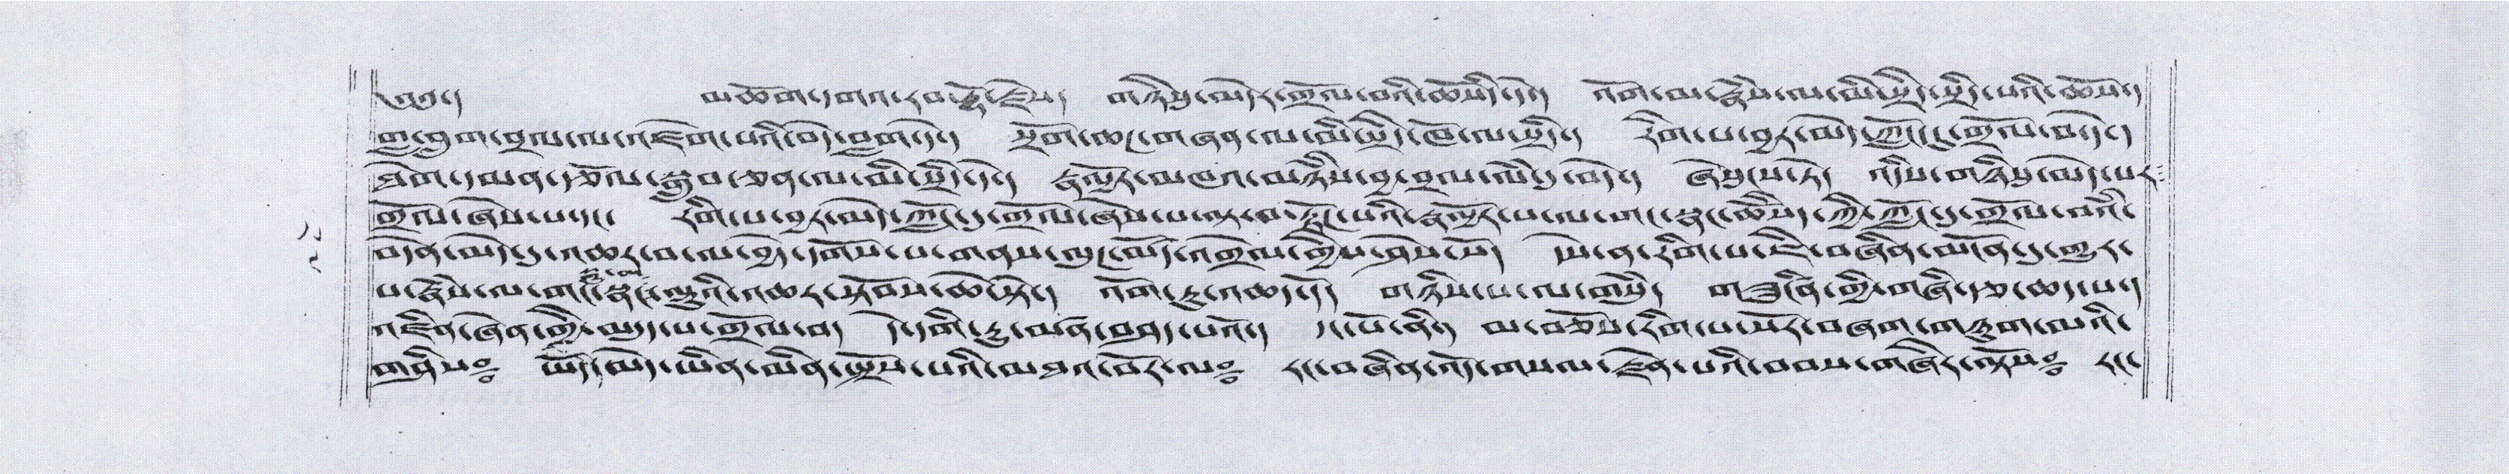༄༅་། མཆོག་དགའ་རབ་རྡོ་རྗེས། གཉིས་སུ་མེད་པར་གྲོལ་བའི་ཆོས་ཉིད་དེ། འོག་མ་རྣམས་ལ་མི་སྲིད་སྲིད་པའི་ཆོས། 
བླ་བྲུག་བྲལ་བ་༼རྣ་ཕྲུག་བྲག་ལ༽འཛེགས་པའི་བདེ་བླག་དེ། སྲོག་ཆགས་གཞན་ལ་མི་སྲིད་ཁོ་ལ་སྲིད། རིག་པ་བྱར་མེད་ཀློང་དུ་གྲོལ་བ་དེ། 
ཐེག་དམན་རྩོལ་སྒྲུབ་ཅན་ལ་མི་སྲིད་དེ། རྣལ་འབྱོར་མཁའ་མཉམ་བྱ་བྲལ་ལམ་དུ་བདེ། ཞེས་གསུངས་ཏེ། འདིས་གཉིས་སུ་མེད་པར་
གྲོལ་ཞེས་པ་དང་། རིག་པ་བྱར་མེད་ཀློང་དུ་གྲོལ་ཞེས་པ་ལྟ་བ་རྟོགས་པའི་རྣལ་འབྱོར་པ་ལ་གང་སྣང་ཆོས་ཉིད་ཀྱི་ཀློང་དུ་གྲོལ་བའམ་
བདེན་མེད་དུ་འཆར་བ་ལ་བྱེད་དགོས་པ་གནས་ལུགས་མཛོད་འགྲེལ་གྱིས་ཤེས་སོ། དེས་ན་རིག་པ་ཇི་བཞིན་མངོན་དུ་གྱུར་
པ་རྣམས་ལ་གང་སྣང་སྒྱུ་མ་ལྟ་བུའི་འཆར་སྟོབས་ཆེ་སྟེ། འོག་ཏུ་འཆད་དོ། གཉིས་པ་ལ་གསུམ། གཟུང་འཛིན་གྱི་གཞི་རྩ་ཆད་པ། 
འཛིན་ཞེན་གྱི་མདུད་པ་གྲོལ་བ། དེ་དག་གི་རྒྱུ་མཚན་བཤད་པའོ། དང་པོ་ནི། མ་བཅོས་རིག་པ་སོར་བཞག་གཉུག་མའི་
གཤིསཿ ཡོད་མེད་ཡིན་མིན་སྤྲོས་པའི་མཐའ་བོར་ལཿ རང་བཞིན་འོད་གསལ་རྗེན་པའི་བབས་གཞིར་ལྟོསཿ རང་